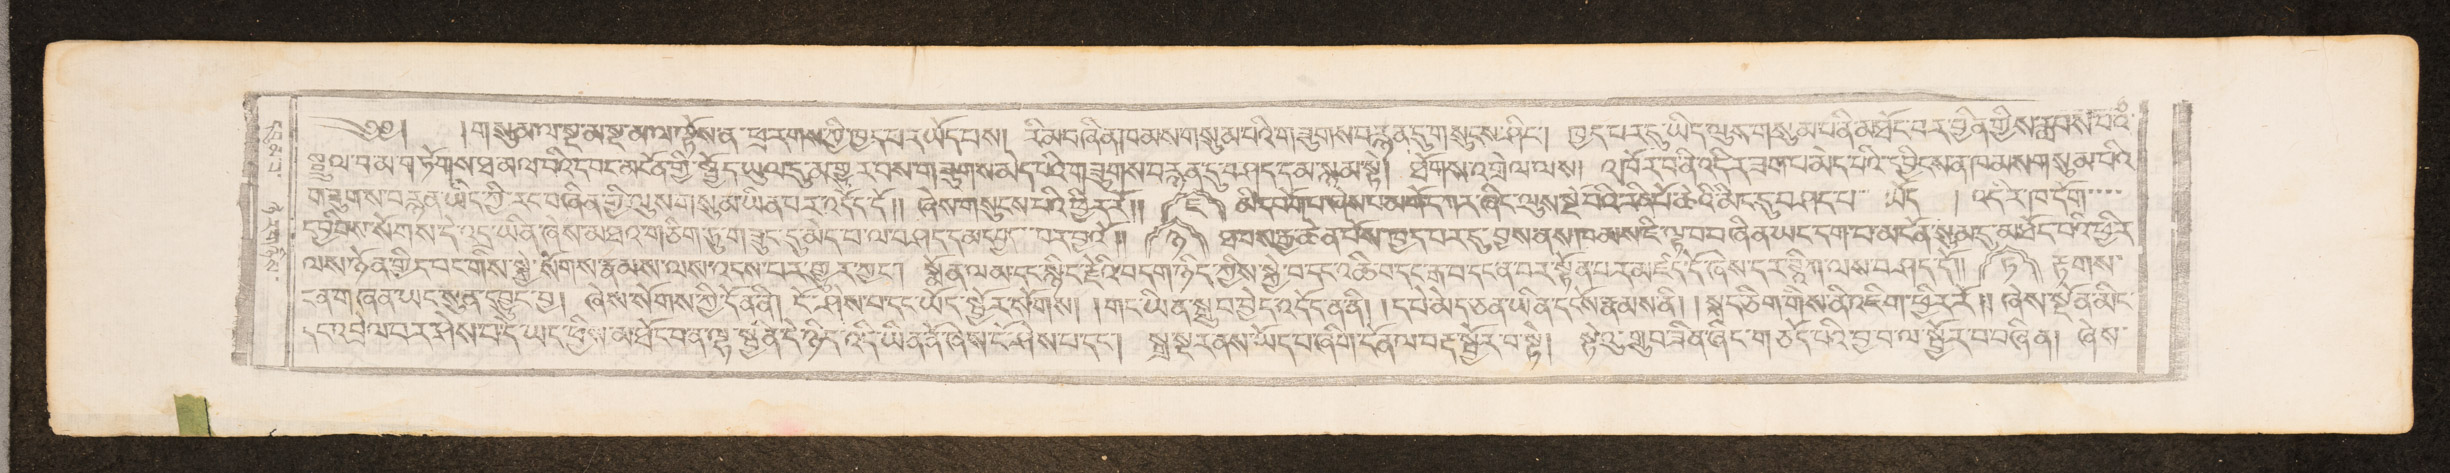༄༅། །གསུམ་ལ་སྔ་མ་སྔ་མ་ལ་ལྟོས་ན་ཕྲ་རགས་ཀྱི་ཁྱད་པར་ཡོད་པས། རིམ་བཞིན་ཁམས་གསུམ་པའི་གཟུགས་བརྙན་དུ་གསུངས་ཤིང་། ཁྱད་པར་དུ་ཡིད་ལུས་གསུམ་པ་ནི་མཐོང་བར་བྱིན་གྱིས་རླབས་པའཾ་
སྦྲུལ་པ་མ་གཏོགས་ཐ་མལ་བའི་དབང་མངོན་གྱི་སྤྱོད་ཡུལ་དུ་མ་གྱུར་བས་གཟུག་ས་མེད་པའི་གཟུགས་བརྙན་དུ་བཤད་དམ་སྙམ་སྟེ། ཐོགས་འགྲེལ་ལས། འཁོར་བ་ནི་འདིར་ཟག་པ་མེད་པའི་དབྱིངས་ན་ཁམས་གསུམ་པའི་
གཟུགས་བརྙན་ཡིད་ཀྱི་རང་བཞིན་གྱི་ལུས་གསུམ་ཡིན་པར་འདོད་དོ།། ཞེས་གསུངས་པའི་ཕྱིར་རོ།། ༼༽ཇ༼༽ མི་དཔོག་པ་ཞེས་པ་མགོ་དཀར་ཞིང་ལུས་སྔོ་བའི་རིན་པོ་ཆེའི་མིང་དུ་བཤད་པ་ཡོད་།འདིར་ཁ་དོག་
དབྱིབས་སོགས་དེ་འདྲ་ཡིན་ཞེས་མཐའ་གཅིག་ཏུ་གཟུང་དུ་མེད་པ་ལ་བཤད་དམ་དབྱད་པར་བྱའོ།། ༼༽ཉ༼༽ ཐབས་རྒྱ་ཆེན་པོས་ཁྱད་པར་དུ་བྱས་ནས་ཁམས་ཇི་ལྟ་བ་བཞིན་ཡང་དག་པ་མངོན་སུམ་དུ་མཐོང་བའི་ཕྱིར་
ལས་ཉོན་གྱི་དབང་གིས་སྐྱེ་སོགས་རྣམས་ལས་འདས་པར་གྱུར་ཀྱང་། སྨོན་ལམ་དང་སྙིང་རྗེའི་བདག་ཉིད་ཀྱིས་སྐྱེ་བ་དང་འཆི་བ་དང་རྒ་བ་དང་ན་བར་སྟོན་པར་མཛད་དོ་ཞེས་དར་ཊཱིཀ་ལས་བཤད་དོ།། ༼༽ཏ༼༽ རྟགས་
ངན་གཞན་ཡང་སུན་དབྱུང་བྱ། ཞེས་སོགས་ཀྱི་དོན་ནི། ངོ་ཤེས་པ་དང་ཡོད་སྦྱོར་སོགས། །གང་ཡིན་སྒྲུབ་བྱེད་འདོད་ན་ནི། །དཔེ་མེད་ཅན་ཡིན་དངོས་རྣམས་ནི། །སྐད་ཅིག་གིས་ནི་འཇིག་ཕྱིར་རོ།། ཞེས་སྔོང་མིང་
དང་འབྲེལ་བར་ཤེས་པ་དེ་ཡང་ཕྱིས་མཐོང་བ་ན་ལྷ་སྦྱིན་དེ་ཉིད་འདི་ཡིན་ནོ་ཞེས་ངོ་ཤེས་པ་དང་། སྒྲ་སྔར་ནས་ཡོད་པ་ཞིག་དོན་ལ་བརྡ་སྦྱོར་བ་སྟེ། སྟེའུ་གྲུབ་ཟིན་ཞིང་གཅོད་པའི་བྱ་བ་ལ་སྦྱོར་བ་བཞིན། ཞེས་